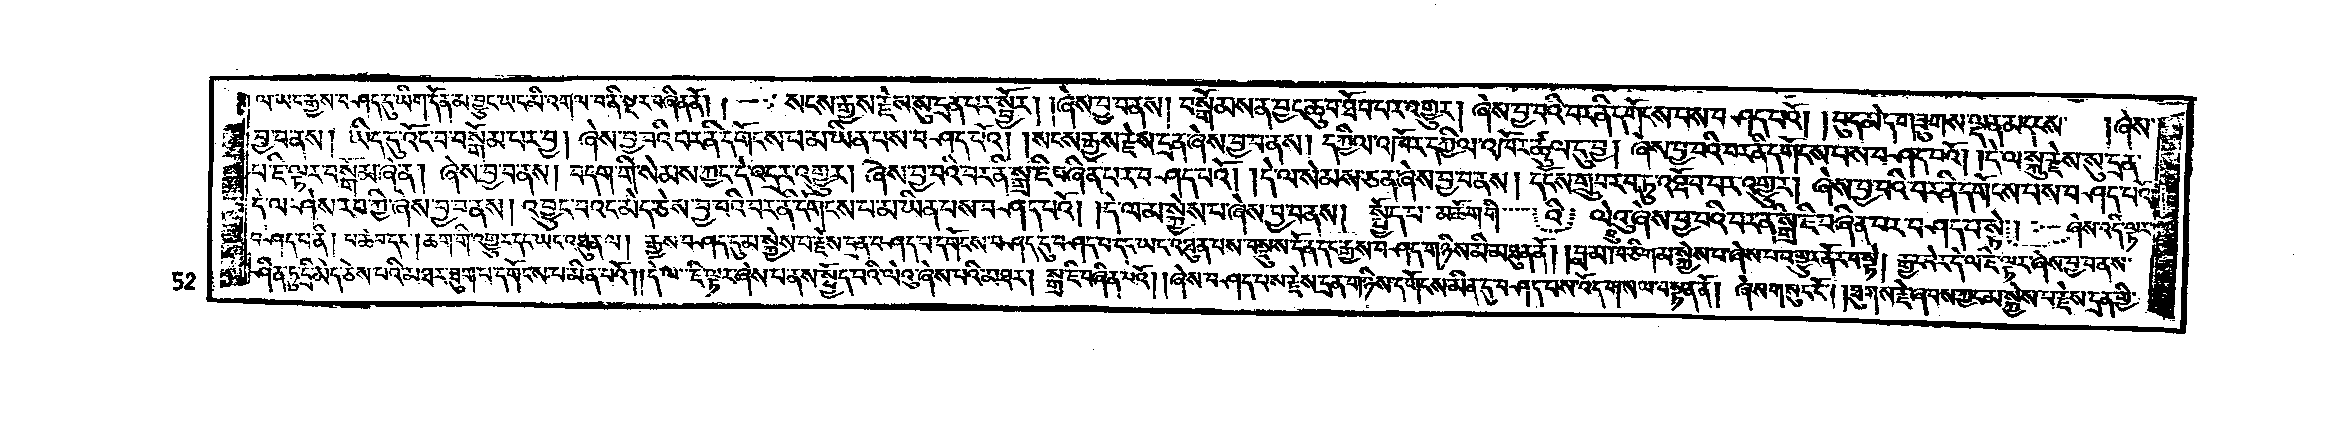ལ་ཡང་རྒྱས་བཤད་དུ་ཡིག་དོན་མ་བྱུང་ཡང་མི་འགལ་བ་ནི་སྔར་བཞིན་ནོ།། .Hསངས་རྒྱས་རྗེས་སུ་དྲན་པར་སྦྱོར། །ཞེས་བྱ་བ་ནས། བསྒོམས་ན་བྱང་ཆུབ་ཐོབ་པར་འགྱུར། ཞེས་བྱ་བའི་བར་ནི་དགོངས་པས་བཤད་པའོ། །བུད་མེད་གཟུགས་ལྡན་མདངས། ?་ཞེས་
བྱ་བ་ནས། ཡིད་དུ་འོང་བ་བསྒོམ་པར་བྱ། ཞེས་བྱ་བའི་བར་ནི་དགོངས་པ་མ་ཡིན་པས་བཤད་པའོ། །སངས་རྒྱས་རྗེས་དྲན་ཞེས་བྱ་བ་ནས། དཀྱིལ་འཁོར་དཀྱིལ་འཁོར་ཚུལ་དུ་བྱ། ཞེས་བྱ་བའི་བར་ནི་དགོངས་པས་བཤད་པའོ། །དེ་ལ་སྐུ་རྗེས་སུ་དྲན་
པ་ཇི་ལྟར་བསྒོམ་ཞེ་ན། ཞེས་བྱ་བ་ནས། བདག་གི་སེམས་ཀྱང་དེ་འདྲར་འགྱུར་ཞེས་བྱ་བའི་བར་ནི་སྒྲ་ཇི་བཞིན་པར་བཤད་པའོ། །དེ་ལ་སེམས་ཅན་ཞེས་བྱ་བ་ནས། དངོས་གྲུབ་རབ་ཏུ་འཐོབ་པར་འགྱུར། ཞེས་བྱ་བའི་བར་ནི་དགོངས་པས་བཤད་པའོ། །
དེ་ལ་ཤེས་རབ་ཀྱི་ཞེས་བྱ་བ་ནས། འབྱུང་བའང་མེད་ཅེས་བྱ་བའི་བར་ནི་དགོངས་པ་མ་ཡིན་པས་བཤད་པའོ། །དེ་ལ་མ་སྐྱེས་པ་ཞེས་བྱ་བ་ནས། སྤྱོད་པ་མཆོག་གི་འི་ལེའུ་ཞེས་བྱ་བའི་བར་ནི་སྒྲ་ཇི་བཞིན་པར་བཤད་པ་སྟེ།H.་ཞེས་འདི་ལྟར་
བཤད་པ་ནི། པ་ཚབ་དང་། ཆག་གི་འགྱུར་དང་ཡང་འཐུན་ལ། རྒྱས་བཤད་དུ་མ་སྐྱེས་པ་རྗེས་དྲན་བཤད་པ་དགོངས་བཤད་དུ་བཤད་པ་དང་ཡང་འཐུན་པས་བསྡུས་དོན་དང་རྒྱས་བཤད་གཉིས་མི་མཐུན་ནོ། །བླ་མ་ཁ་ཅིག་མ་སྐྱེས་པ་ཞེས་པ་འགྱུར་ནོར་བ་སྟེ། རྒྱ་དཔེར་དེ་ལ་ཇི་ལྟར་ཞེས་བྱ་བ་ནས་
ཤིན་ཏུ་དྲི་མེད་ཅེས་པའི་མཐར་ཐུག་པ་དགོངས་པ་མིན་པའོ། །དེ་ལ་ཇི་ལྟར་ཞེས་པ་ནས་སྤྱོད་པའི་ལེའུ་ཞེས་པའི་མཐར། སྒྲ་ཇི་བཞིན་པའོ། །ཞེས་བཤད་པས་རྗེས་དྲན་གཉིས་དགོངས་མིན་དུ་བཤད་པས་འོད་གསལ་བསྟན་ནོ། ཞེས་གསུང་ངོ། །ཐུགས་རྗེ་ཞབས་ཀྱང་མ་སྐྱེས་པ་རྗེས་དྲན་གྱི་